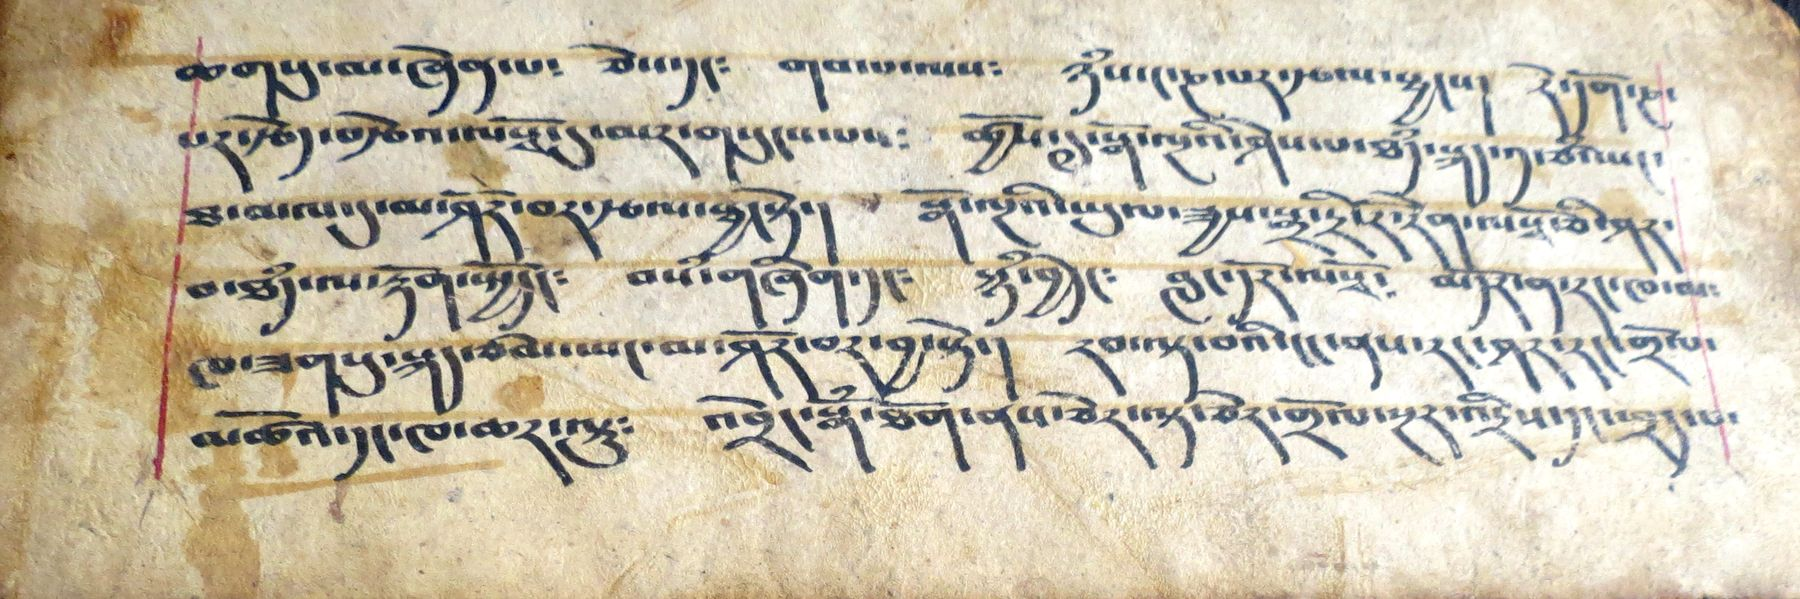ཆགས་སུ་མ་ཞེན་པ། ཞེས་དང་། གབ་པ་ལས། ཉམས་ང་མེད་པར་རྩལ་སྦྱོང་། རེ་དོགས་མེད་
པར་རྩེད་མོ་རྩེ། ལ་སོགས་དུ་མར་གསུངས་པས། ཚོགས་དྲུག་སྒོ་ལྔའི་ཤེས་པ་ཐམས་ཅད་སྐད་ཅིག་ཙམ་ཡང་
ཐ་མལ་དུ་མ་ཤོར་བར་རྩལ་སྦྱངས་ཏེ། སྒོ་ལྔའི་ཡུལ་གཟུགས་སྒྲ་དྲི་རོ་རེག་བྱ་ལ་སོགས་ཅི་ཤར་
བ་ཐམས་ཅད་ལ། རྟོག་དཔྱོད་དང་བསམ་གཞིགས་དང་། སྙམ་བྱེད་དང་བླང་དོར་ལ་སོགས་མེད་པར་མདོར་ན་རང་ཁ་མར་
ཁ་ཟགས་སུ་སྐད་ཙམ་ཡང་མ་ཤོར་བར་བྱ་སྟེ། རབ་ལྟ་བའི་ངང་ནས་རང་ཤར་རང་གྲོལ་
མཚོ་ལ་ཁ་བ་བབས་པ་ལྟ་བུ། འབྲིང་སྒོམ་ཐོག་ནས་ཅེར་ལྟ་ཅེར་གྲོལ་སྔར་འདྲིས་༼མི༽དང་འཕྲད་པ་